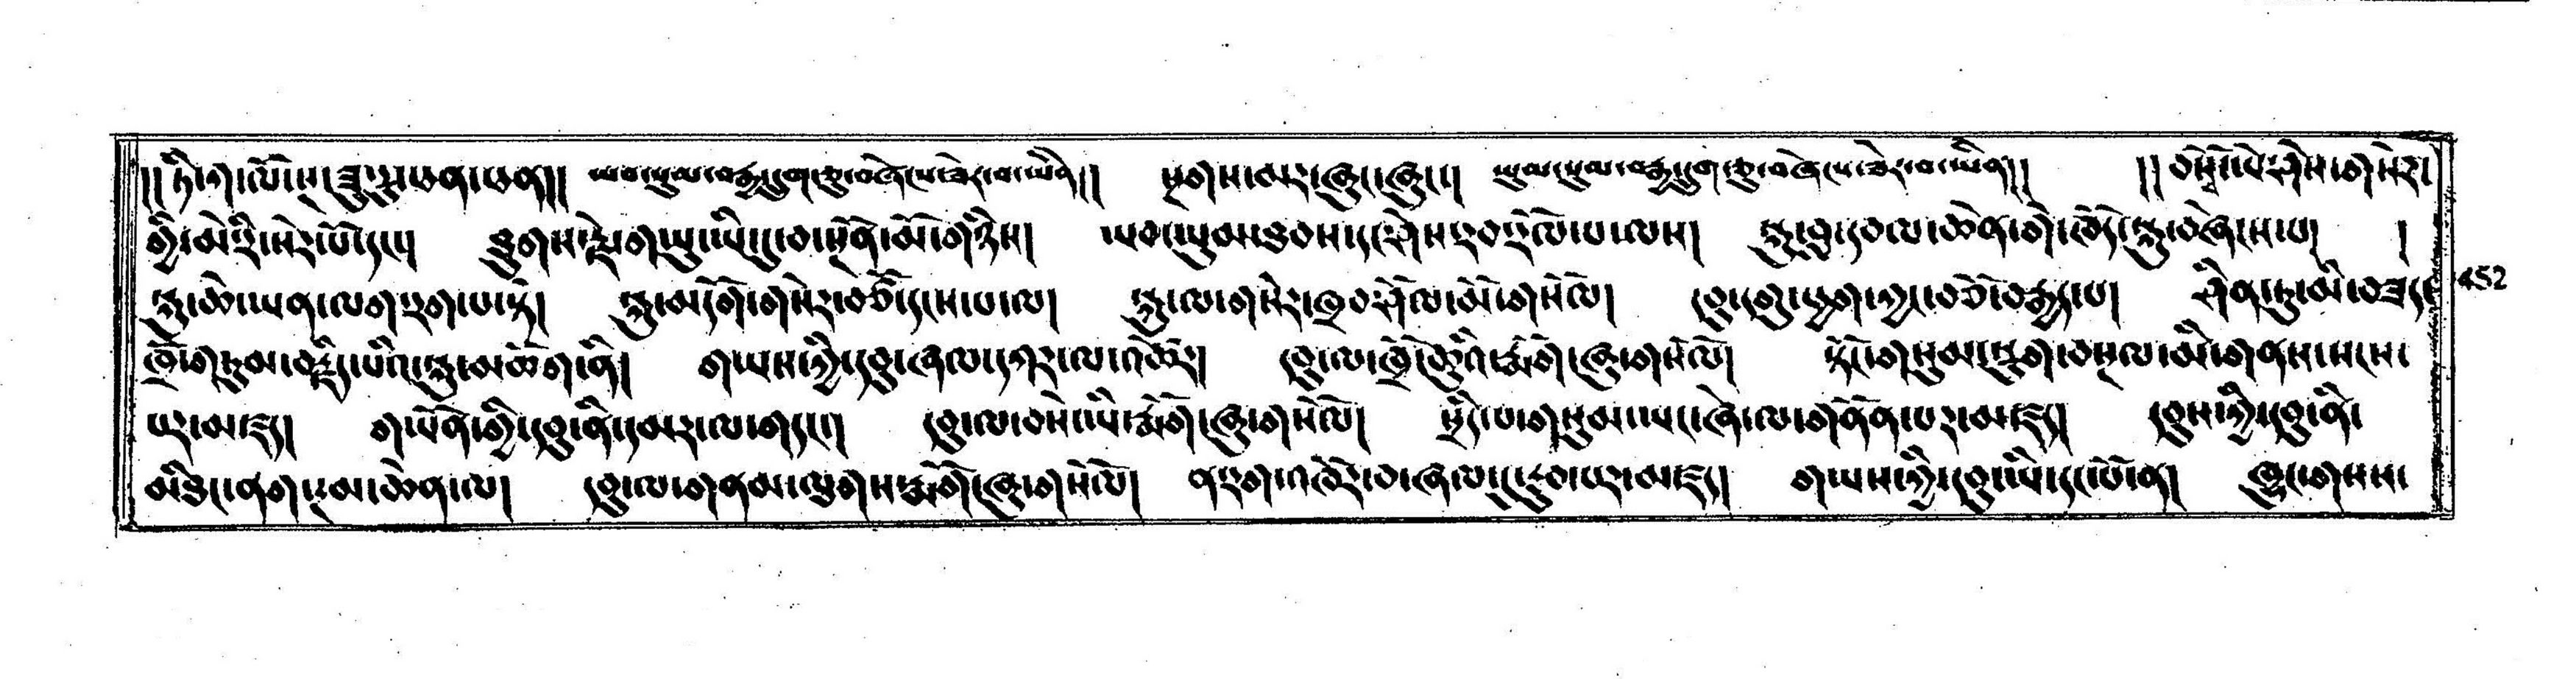ཏི་ཀ་ལོ་སྔ་ཟུ་རུ་ཕན་ཕན། ཡབ་སུམ་བརྒྱ་དྲུག་ཅུ་བཞེངས་ཟེར་བ་ཡིན།། སྔགས་མར་ཞུང་ཞུང་། ཡུམ་སུམ་བརྒྱ་དྲུག་ཅུ་བཞེངས་ཟེར་བ་ཡིན།། །།བསྭོ་ཡེ་ཤེས་གསེར་
གྱི་མེ་རི་སེར་པོ་དང་། ཐུགས་རྗེ་གཡུ་ཡི་དུ་བ་སྔོན་མོ་གཉིས། {465}ཡབ་ཡུམ་ཐབས་དང་ཤེས་རབ་རོལ་པ་ལས། སྐུ་བླ་དབལ་ཆེན་གེ་ཁོད་སྐུ་བཞེངས་པ། །
སྐུ་ཆེ་ཡན་ལག་རག་པ་སྟེ། སྐུ་མདོག་གསེར་བཙོ་དངས་པ་ལ། སྐུ་ལ་གསེར་ཁྲབ་ཤོལ་མོ་གསོལ། དབུ་དགུ་ཕྱག་ཀྱང་བཅོ་བརྒྱད་པ། ཤིན་ཏུ་མི་བཟད་
ཁྲོ་གཏུམ་བརྗིད་པའི་སྐུ་མཆོག་ནི། གཡས་ཀྱི་དབུ་ཞལ་དཀར་ལ་འཚེར། དབུ་ལ་ཁྲོ་ཆུའི་རྨོག་ཞུ་གསོལ། སྟོང་གསུམ་སྡུག་བསྔལ་མི་གནས་སངས་
པར་མཛད། གཡོན་གྱི་དབུ་ནི་དམར་ལ་གདང་། དབུ་ལ་བསེ་ཡི་རྨོག་ཞུ་གསོལ། སྲིད་པ་གསུམ་ཡང་ཞེ་ལ་གནོན་པར་མཛད། དབུས་ཀྱི་དབུ་ནི་
མཐིང་ནག་རྔམ་ཆེན་ལ། དབུ་ལ་གནམ་ལྕགས་རྨོག་ཞུ་གསོལ། ན་རག་འཁོར་བ་ཞལ་དུ་རྔུབ་པར་མཛད། གཡས་ཀྱི་དབུ་ཡི་དང་པོ་ན། ཁྱུང་གསས་